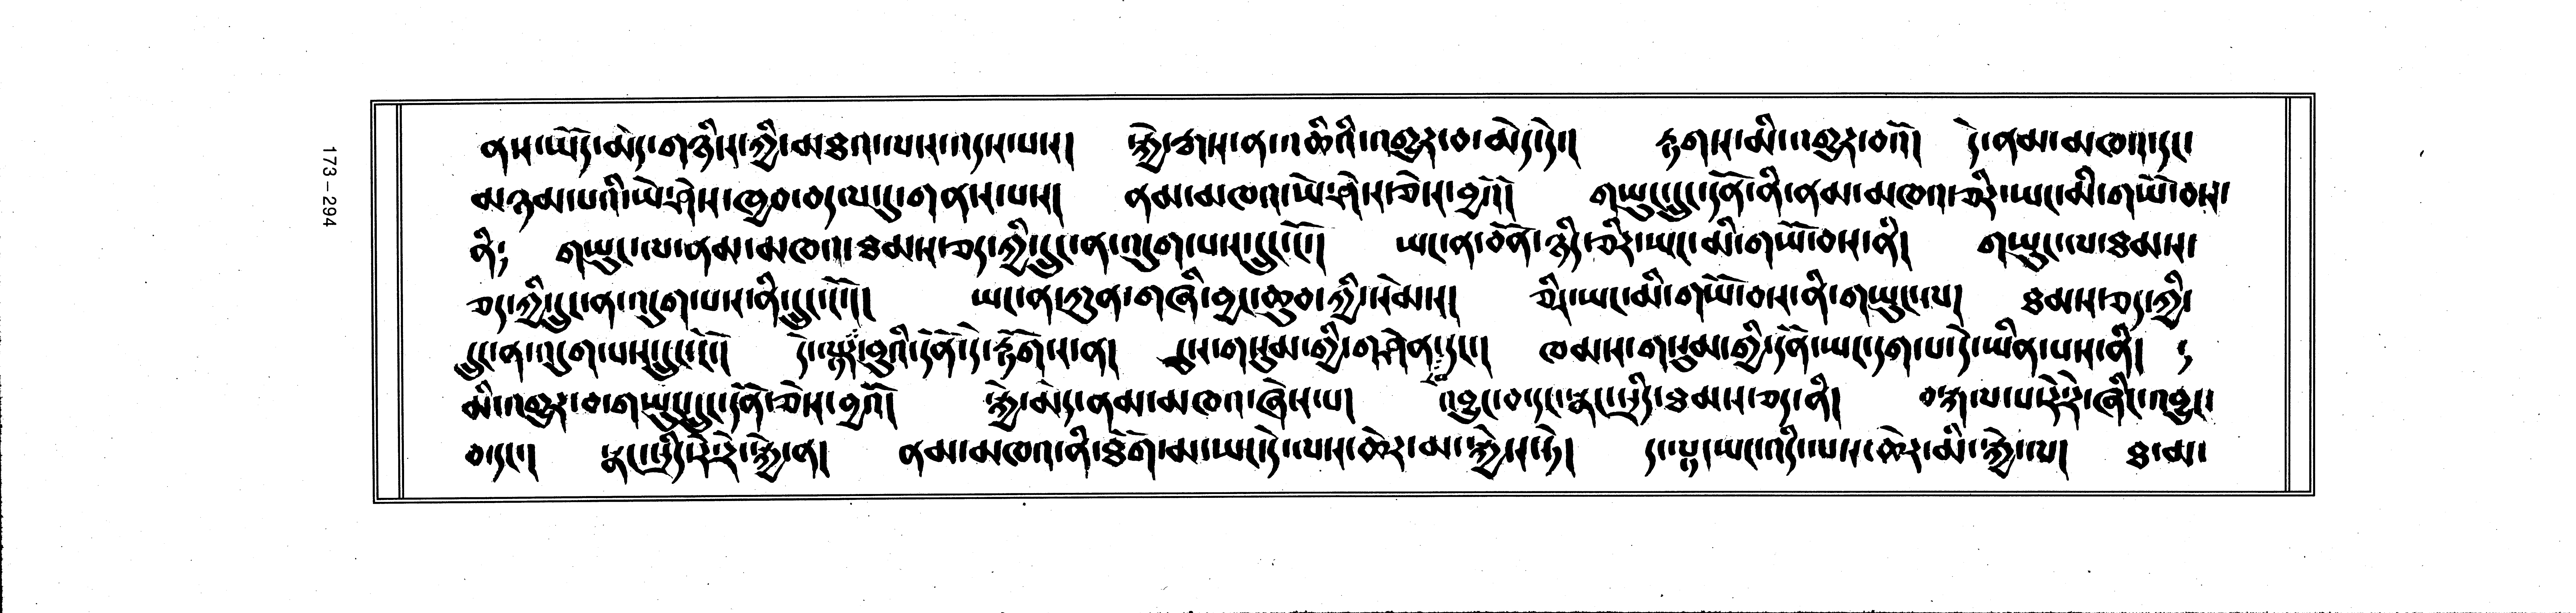ནས་ཡོད་མེད་གཉིས་ཀྱི་མཐའ་ལས་འདས་པས། སྐྱེ་རྒས་ན་འཆིའི་འགྱུར་བ་མེད་དེ། རྟགས་མི་འགྱུར་བའོ། །དེ་ནམ་མཁའ་དང
་མཉམ་པའི་ཡེ་ཤེས་ཁྱབ་བདལ་དུ་གནས་པས། ནམ་མཁའ་ཡེ་ཤེས་ཅེས་བྱའོ། །གཡུང་དྲུང་དོན་ནི་ནམ་མཁའ་ཅིར་ཡང་མི་གཡོ་བས་
ནི་གཡུང་ལ། ནམ་མཁའ་ཐམས་ཅད་ཀྱི་དྲུང་ན་འདུག་པས་དྲུང་ངོ་། །ཡང་ན་བོན་ཉིད་ཅིར་ཡང་མི་གཡོ་བས་ནི་གཡུང་ལ། ཐམས་
ཅད་ཀྱི་དྲུང་ན་འདུག་པས་ན་དྲུང་ངོ་། །ཡང་ན་ཀུན་གཞི་བྱང་ཆུབ་ཀྱི་སེམས། ཅིར་ཡང་མི་གཡོ་བས་ནི་གཡུང་ལ། ཐམས་ཅད་ཀྱི་
དྲུང་ན་འདུག་པས་དྲུང་ངོ་། །དེ་ལྟ་བུའི་དོན་དེ་རྟོགས་ན། དུས་གསུམ་གྱི་གཤེན་རབ་དང་། ཁམས་གསུམ་གྱི་དོན་ཡང་དག་པ་དེ་ཡིན་པས་ནི། 
མི་འགྱུར་བ་གཡུང་དྲུང་གི་དོན་ཅེས་བྱའོ། །སྐྱེ་མེད་ནམ་མཁའ་ཞེས་པ། འབྱུང་བ་དང་སྣང་སྲིད་ཐམས་ཅད་ནི། བསྐལ་པ་རེ་རེ་ཞིང་འབྱུང་
བ་དང་། སྣང་སྲིད་རེ་རེ་སྐྱེ་ན། ནམ་མཁའ་ནི་ཐོག་མ་ཡང་དེ་ལས་ཆེར་མ་སྐྱེས་ཏེ། ད་ལྟ་ཡང་འདི་ལས་ཆེར་མི་སྐྱེ་ལ། ཐ་མ་